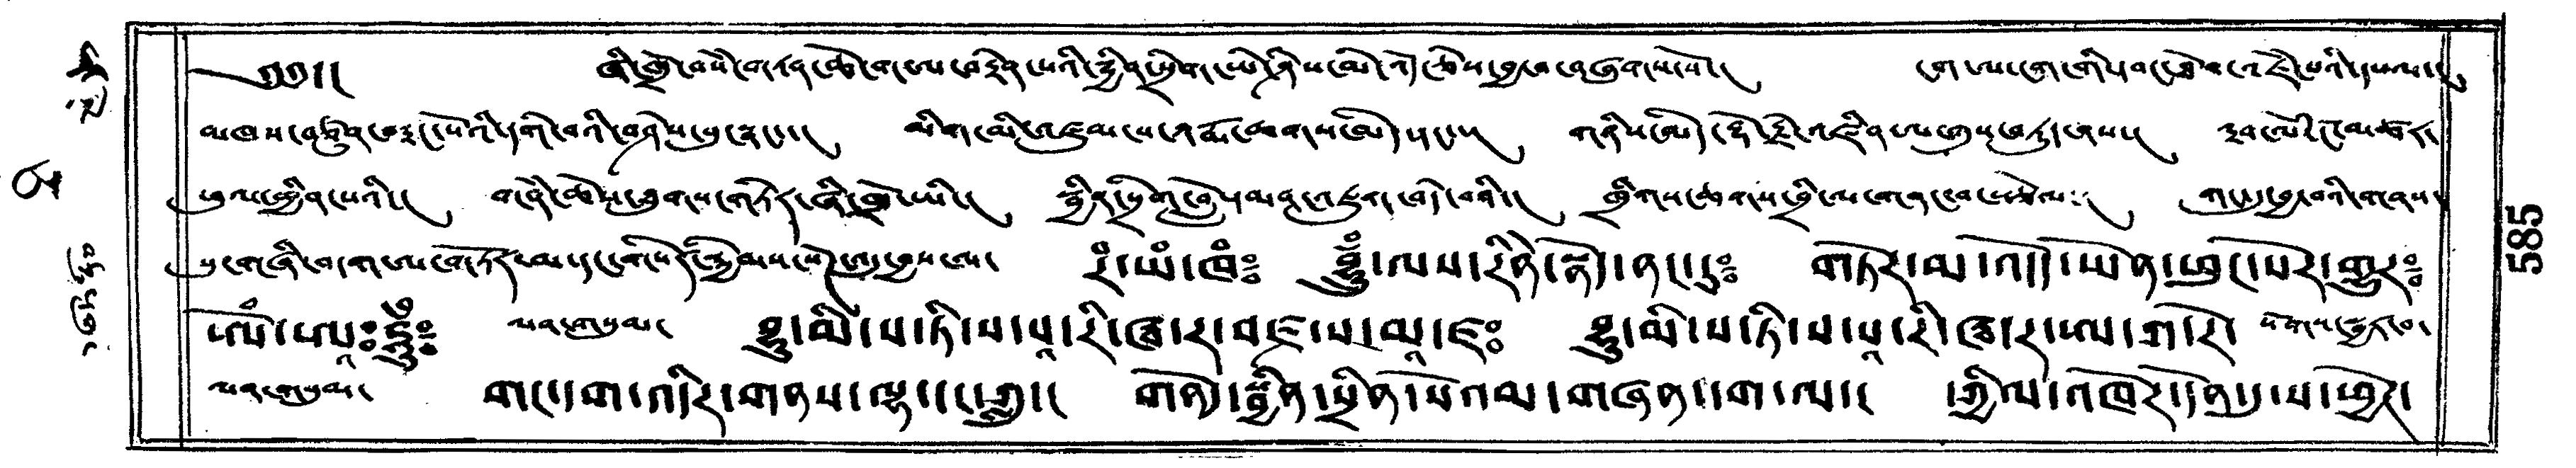༄༅། ཞི་ཁྲོ་བསམ་གཏན་ཆོ་ག་ལ་བརྟེན་པའི་སྦྱིན་སྲེག་ཡེ་ཤེས་མེ་འོད་ཅེས་བྱ་བ་བཞུགས་སོ། ངག་ལ་ངག་གི་དབང་ཐོབ་འཇམ་པའི་དཔལ། །
མཁས་བཙུན་བཟང་པོའི་དགེ་བའི་བཤེས་སུ་སྣང་། །མིག་མི་འཛུམ་པ་ཀརྨ་ཆགས་མེད་དང་། །གཉིས་མེད་རྡོ་རྗེ་འཛིན་ལ་གུས་བཏུད་ནས། །ཟབ་ལམ་ངོ་མཚར་
ཕུལ་ཕྱིན་པའི། །གནམ་ཆོས་ཐུགས་གཏེར་ཞི་ཁྲོ་ཡི། །སྦྱིན་སྲེག་བློ་དམན་འཇུག་བདེ་བའི། ཁྲིགས་ཆགས་བྲི་ལ་གནང་བ་སྩོལ། གང་དུ་བྱ་བའི་གནས་
སུ་གཞི་བདག་ལ་གཏོར་མ་དང་གསེར་སྐྱེམས་སོགས་འདུ་བྱས་ལ། རཾ་ཡཾ་ཁཾ༔ བྷྲུྃ་ལས་རིན་ཆེན་སྣོད་ནང་དུ༔ གཏོར་མ་འདོད་ཡོན་ཕུང་པོ་གྱུར༔ 
ཨོཾ་ཨཱཿཧཱུྃ༔ ལན་གསུམ། བྷུ་མི་པ་ཏི་ས་པཱ་རི་ཝ་ར་བཛྲ་ས་མཱ་ཛཿ བྷུ་མི་པ་ཏི་ས་པཱ་རི་ཝཱ་ར་ཨ་ཀ་རོ༴ སོགས་སྦྱར་བ་
ལན་གསུམ། གང་དག་འདིར་གནས་ལྷ་དང་ཀླུ། །གནོད་སྦྱིན་སྲིན་པོའམ་གཞན་དག་ལ། །དཀྱིལ་འཁོར་དོན་དུ་ས་ཕྱོགས་